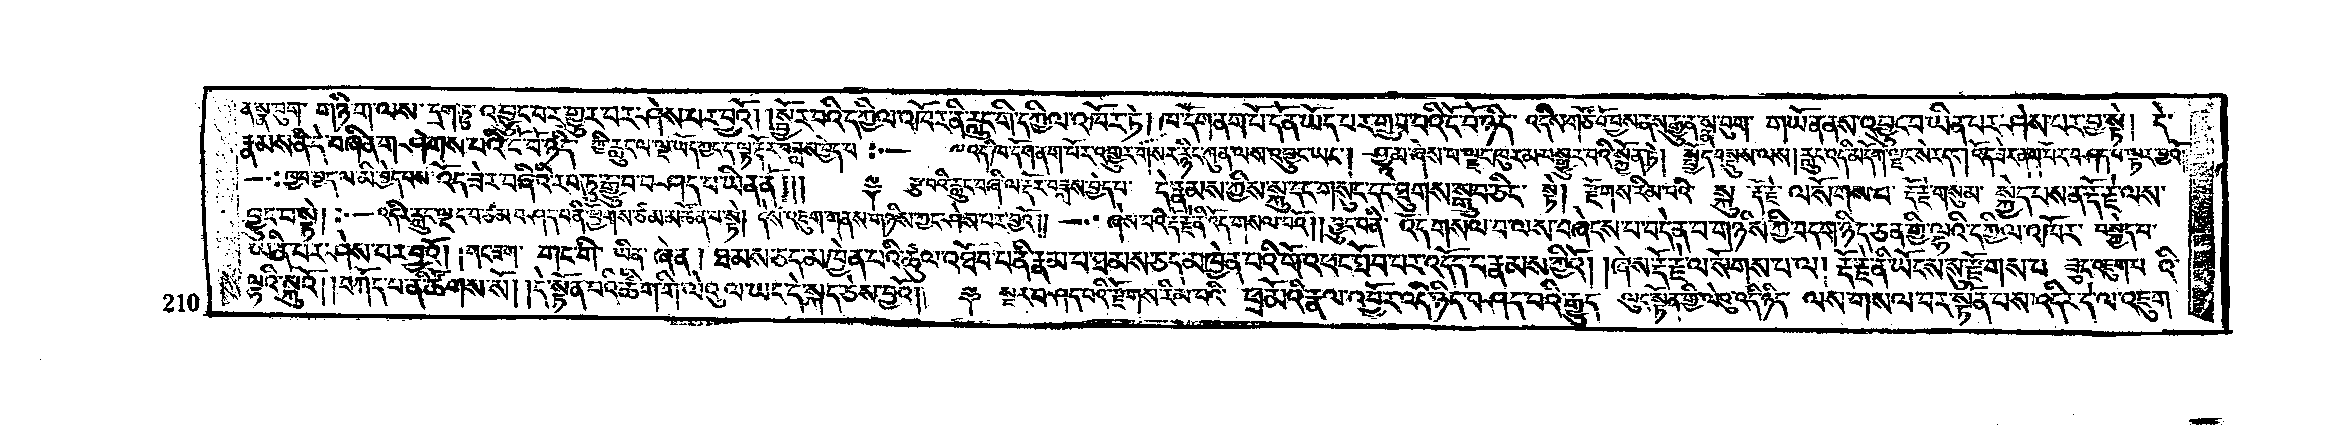ན་སྣ་བུག་གཉི་ག་ལས་དྲག་ཏུ་འབྱུང་བར་གྱུར་པར་ཤེས་པར་བྱའོ། །སྦྱོར་བའི་དཀྱིལ་འཁོར་ནི་རླུང་གི་དཀྱིལ་འཁོར་ཏེ། ཁ་དོག་ནག་པོ་དོན་ཡོད་པར་གྲུབ་པའི་ངོ་བོ་ཉིད་འདིས་གཙོ་བོ་བྱས་ནས་རྒྱུ་ན་སྣ་བུག་གཡོན་ནས་འབྱུང་བ་ཡིན་པར་ཤེས་པར་བྱ་སྟེ། དེ་
རྣམས་ནི་དེ་བཞིན་གཤེགས་པའི་ངོ་བོ་ཉིད་ཀྱི་རླུང་ལ་ལྔ་ཡོད་ཀྱང་ད་ལྟ་རྡོར་བཟླས་བྱེད་པ་༧འདི་ཁ་དོག་ནག་པོར་འགྱུར་གསར་རྙིང་ཀུན་ལས་འབྱུང་ཡང་། ཤྱཱ་མ་ཞེས་པ་ལྗང་ཁུར་མ་བསྒྱུར་བའི་སྐྱོན་ཏེ། སྤྱོད་བསྡུས་ལས། རླུང་འདི་མདོག་ལྗང་སེར་དང་། འོད་ཟེར་ནག་པོར་བཤད་པ་ལྟར་བྱའོ།།
ཁྱབ་བྱེད་ལ་མི་བྱེད་པས་འོད་ཟེར་བཞིའི་རབ་ཏུ་རྒྱུ་བ་བཤད་པ་ཡིན་ནོ།། ༈ རྩ་བའི་རླུང་བཞི་ལ་རྡོར་བཟླས་བྱེད་པ་དེ་རྣམས་ཀྱིས་སྐུ་དང་གསུང་དང་ཐུགས་སྒྲུབ་ཅིང་སྟེ། རྫོགས་རིམ་པའི་སྐུ་རྡོ་རྗེ་ལ་སོགས་པ་རྡོ་རྗེ་གསུམ་སྐྱེད་པས་ན་རྡོ་རྗེ་ལས་
བྱུང་བ་སྟེ། འདིར་རླུང་ལྡང་བ་ཙམ་བཤད་པ་ནི་ཕྱོགས་ཙམ་མཚོན་པ་སྟེ། དེས་འཇུག་གནས་གཉིས་ཀྱང་ཤེས་པར་བྱའོ།། ཞེས་པའི་རྡོ་རྗེ་ནི་འོད་གསལ་བའོ། །བྱུང་བ་ནི་འོད་གསལ་བ་ལས་བཞེངས་པ་བདེན་པ་གཉིས་ཀྱི་བདག་ཉིད་ཅན་གྱི་ལྷའི་དཀྱིལ་འཁོར་བསྐྱེད་པ
ཡིན་པར་ཤེས་པར་བྱའོ། ། གང་ཟག་གང་གི་ཡིན་ཞེ་ན། ཐམས་ཅད་མཁྱེན་པའི་ཚུལ་འཐོབ་པ་ནི་རྣམ་པ་ཐམས་ཅད་མཁྱེན་པའི་གོ་འཕང་ཐོབ་པར་འདོད་པ་རྣམས་ཀྱིའོ། །ཞེས་རྡོ་རྗེ་ལ་སོགས་པ་ལ། རྡོ་རྗེ་ནི་ཡོངས་སུ་རྫོགས་པ་ཟུང་འཇུག་པའི
ལྷའི་སྐུའོ། །བཀོད་པ་ནི་ཚོགས་སོ། །དེ་སྟོན་པའི་ཚིག་གི་ལེའུ་ལ་ཡང་དེ་སྐད་ཅེས་བྱའོ།། ༈ སྔར་བཤད་པའི་རྫོགས་རིམ་པའི་ཕྲ་མོའི་རྣལ་འབྱོར་འདི་ཉིད་བཤད་པའི་རྒྱུད་ལུང་སྟོན་གྱི་ལེའུ་འདི་ཉིད་ལས་གསལ་བར་སྟོན་པས་འདིར་དེ་ལ་འཇུག་